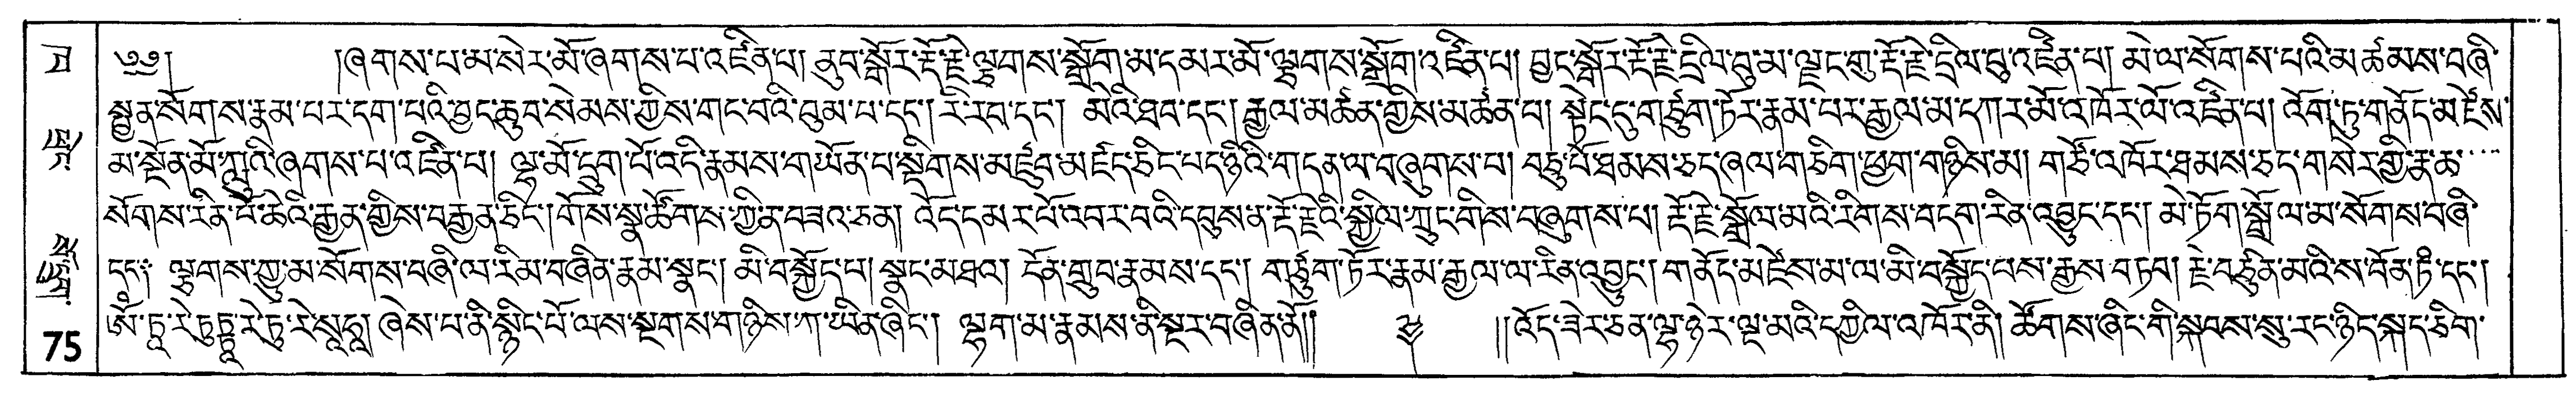༄༅། །ཞགས་པ་མ་སེར་མོ་ཞགས་པ་འཛིན་པ། ནུབ་སྒོར་རྡོ་རྗེ་ལྕགས་སྒྲོག་མ་དམར་མོ་ལྕགས་སྒྲོག་འཛིན་པ། བྱང་སྒོར་རྡོ་རྗེ་དྲིལ་བུ་མ་ལྗང་གུ་རྡོ་རྗེ་དྲིལ་བུ་འཛིན་པ། མེ་ལ་སོགས་པའི་མཚམས་བཞི་
སྤྱན་སོགས་རྣམ་པར་དག་པའི་བྱང་ཆུབ་སེམས་ཀྱིས་གང་བའི་བུམ་པ་དང་། རི་རབ་དང་། མེའི་ཐབ་དང་། རྒྱལ་མཚན་གྱིས་མཚན་པ། སྟེང་དུ་གཙུག་ཏོར་རྣམ་པར་རྒྱལ་མ་དཀར་མོ་འཁོར་ལོ་འཛིན་པ། འོག་ཏུ་གནོད་མཛེས་
མ་སྔོན་མོ་ཀླུའི་ཞགས་པ་འཛིན་པ། ལྷ་མོ་དྲུག་པོ་འདི་རྣམས་གཡོན་པ་སྡིགས་མཛུབ་མཛད་ཅིང་པད་ཉིའི་གདན་ལ་བཞུགས་པ། བཅུ་པོ་ཐམས་ཅད་ཞལ་གཅིག་ཕྱག་གཉིས་མ། གཙོ་འཁོར་ཐམས་ཅད་གསེར་གྱི་རྣ་ཆ་
སོགས་རིན་པོ་ཆེའི་རྒྱན་གྱིས་བརྒྱན་ཅིང་། གོས་སྣ་ཚོགས་ཀྱི་ན་བཟའ་ཅན། འོད་དམར་པོ་འབར་བའི་དབུས་ན་རྡོ་རྗེའི་སྐྱིལ་ཀྲུང་གིས་བཞུགས་པ། རྡོ་རྗེ་སྒྲོལ་མའི་རིགས་བདག་རིན་འབྱུང་དང་། མེ་ཏོག་སྒྲོལ་མ་སོགས་བཞི་
དང༑ ལྕགས་ཀྱུ་མ་སོགས་བཞི་ལ་རིམ་བཞིན་རྣམ་སྣང་། མི་བསྐྱོད་པ། སྣང་མཐའ། དོན་གྲུབ་རྣམས་དང་། གཙུག་ཏོར་རྣམ་རྒྱལ་ལ་རིན་འབྱུང་། གནོད་མཛེས་མ་ལ་མི་བསྐྱོད་པས་རྒྱས་བཏབ། རྗེ་བཙུན་མའི་ས་བོན་ཏཾ་དང་།
ཨོཾ་ཏཱ་རེ་ཏུཏྟཱ་རེ་ཏུ་རེ་སཱཧཱ། ཞེས་པ་ནི་སྙིང་པོ་ལས་སྔགས་གཉིས་ཀ་ཡིན་ཞིང་། ལྷག་མ་རྣམས་ནི་སྔར་བཞིན་ནོ།། ༈ །།འོད་ཟེར་ཅན་ལྷ་ཉེར་ལྔ་མའི་དཀྱིལ་འཁོར་ནི། ཚོགས་ཞིང་གི་སྐབས་སུ་རང་ཉིད་སྐད་ཅིག་